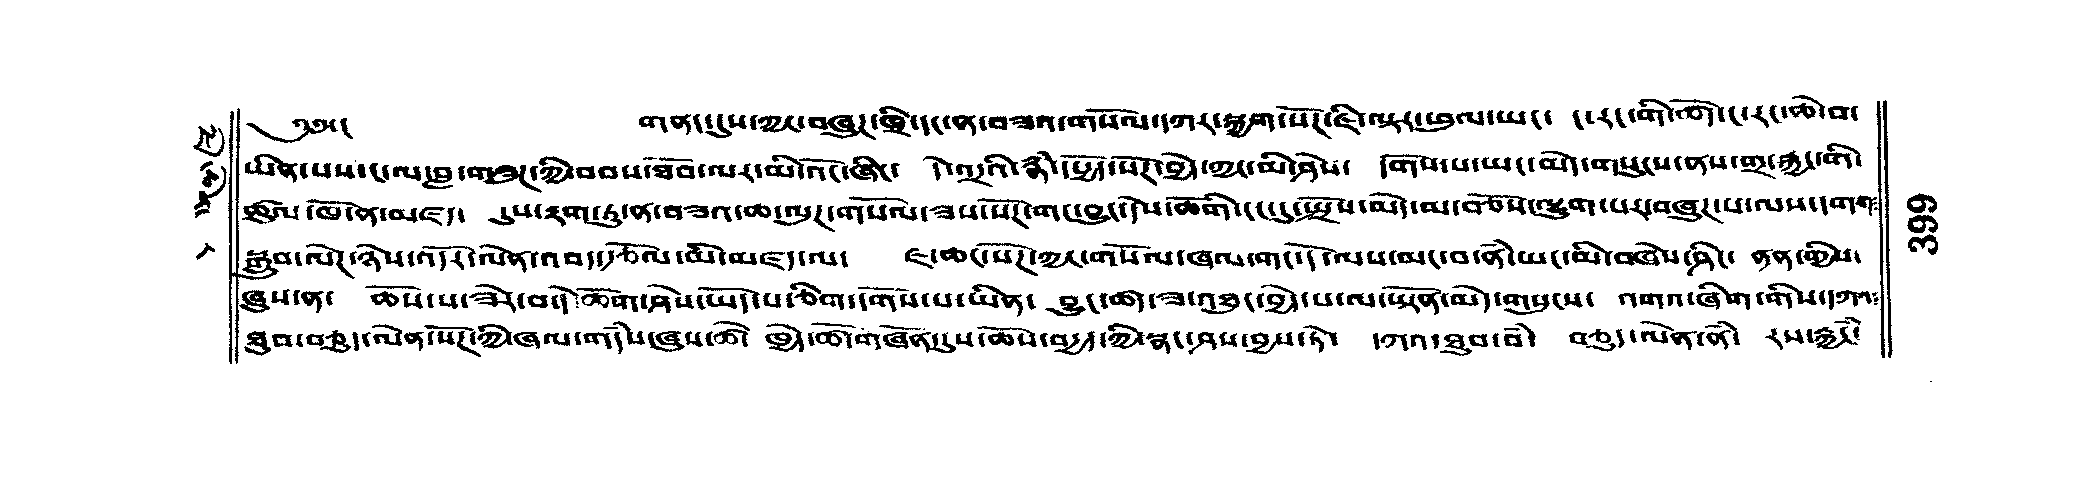གནང་དུས་ཀྱང་བཞུགས་ཁྲི་དང་ན་བཟའ་གསོལ་དཀར་སྐྱག་སོགས་ཇི་ལྟར་ཕུལ་ཡང་། ང་རང་གི་ཚོད་ང་རང་ཆེ་བ་
ཡིན་པས་ང་ལ་བླ་གཟུགས་ཀྱི་བབས་ཐོབ་ལར་མི་འོང་ཞིང་། དེ་འདྲའི་རྣམ་དཔྱོད་སོགས་བྱེད་ཀྱང་མི་ཤེས། དགོས་པ་ཡང་མེད་གསུངས་ནས་གྲ་རྐྱང་གི་
ཚུལ་ཁོ་ན་མཛད། དུས་རྟག་ཏུ་ན་བཟའ་ཆ་ལུགས་གསོལ་ཟས་སོགས་གང་བྱུང་དེས་ཆོག་གི་ངང་དུ་སྤྲོས་མེད་མ་བཅོས་ལྷུག་པར་བཞུགས་པ་ལས་དགག་
སྒྲུབ་ལེགས་ཉེས་འདོར་ལེན་འབད་རྩོལ་མི་མཛད་ལ། ཇ་ཆང་སོགས་ཀྱང་གསོལ་ཞལ་གང་དོ་ལས་མང་བ་ནམ་ཡང་མི་བཞེས་ཤིང་། ནན་གྱིས་
ཞུས་ན། ཆོས་པ་ཟེར་བ་དེ་ཆོག་ཤེས་ཡོད་པ་ཞིག་དགོས་པ་ཡིན། བྱུང་ཚད་ཟ་འཐུང་བྱེད་པ་ལ་ཡོན་ཏན་མེད་གསུངས། འགའ་ཞིག་གིས་དཀའ་
ཐུབ་བཅུད་ལེན་སོགས་ཀྱི་ཞལ་གདམས་ཞུས་ཚེ། ཁྱེད་ཚོ་གཞོན་དུས་ཆོས་བརྒྱད་ཀྱི་སྣང་ཤས་བྱས་ཏེ། དཀའ་ཐུབ་བམ། བཅུད་ལེན་ནམ། རས་རྐྱང་ངམ་